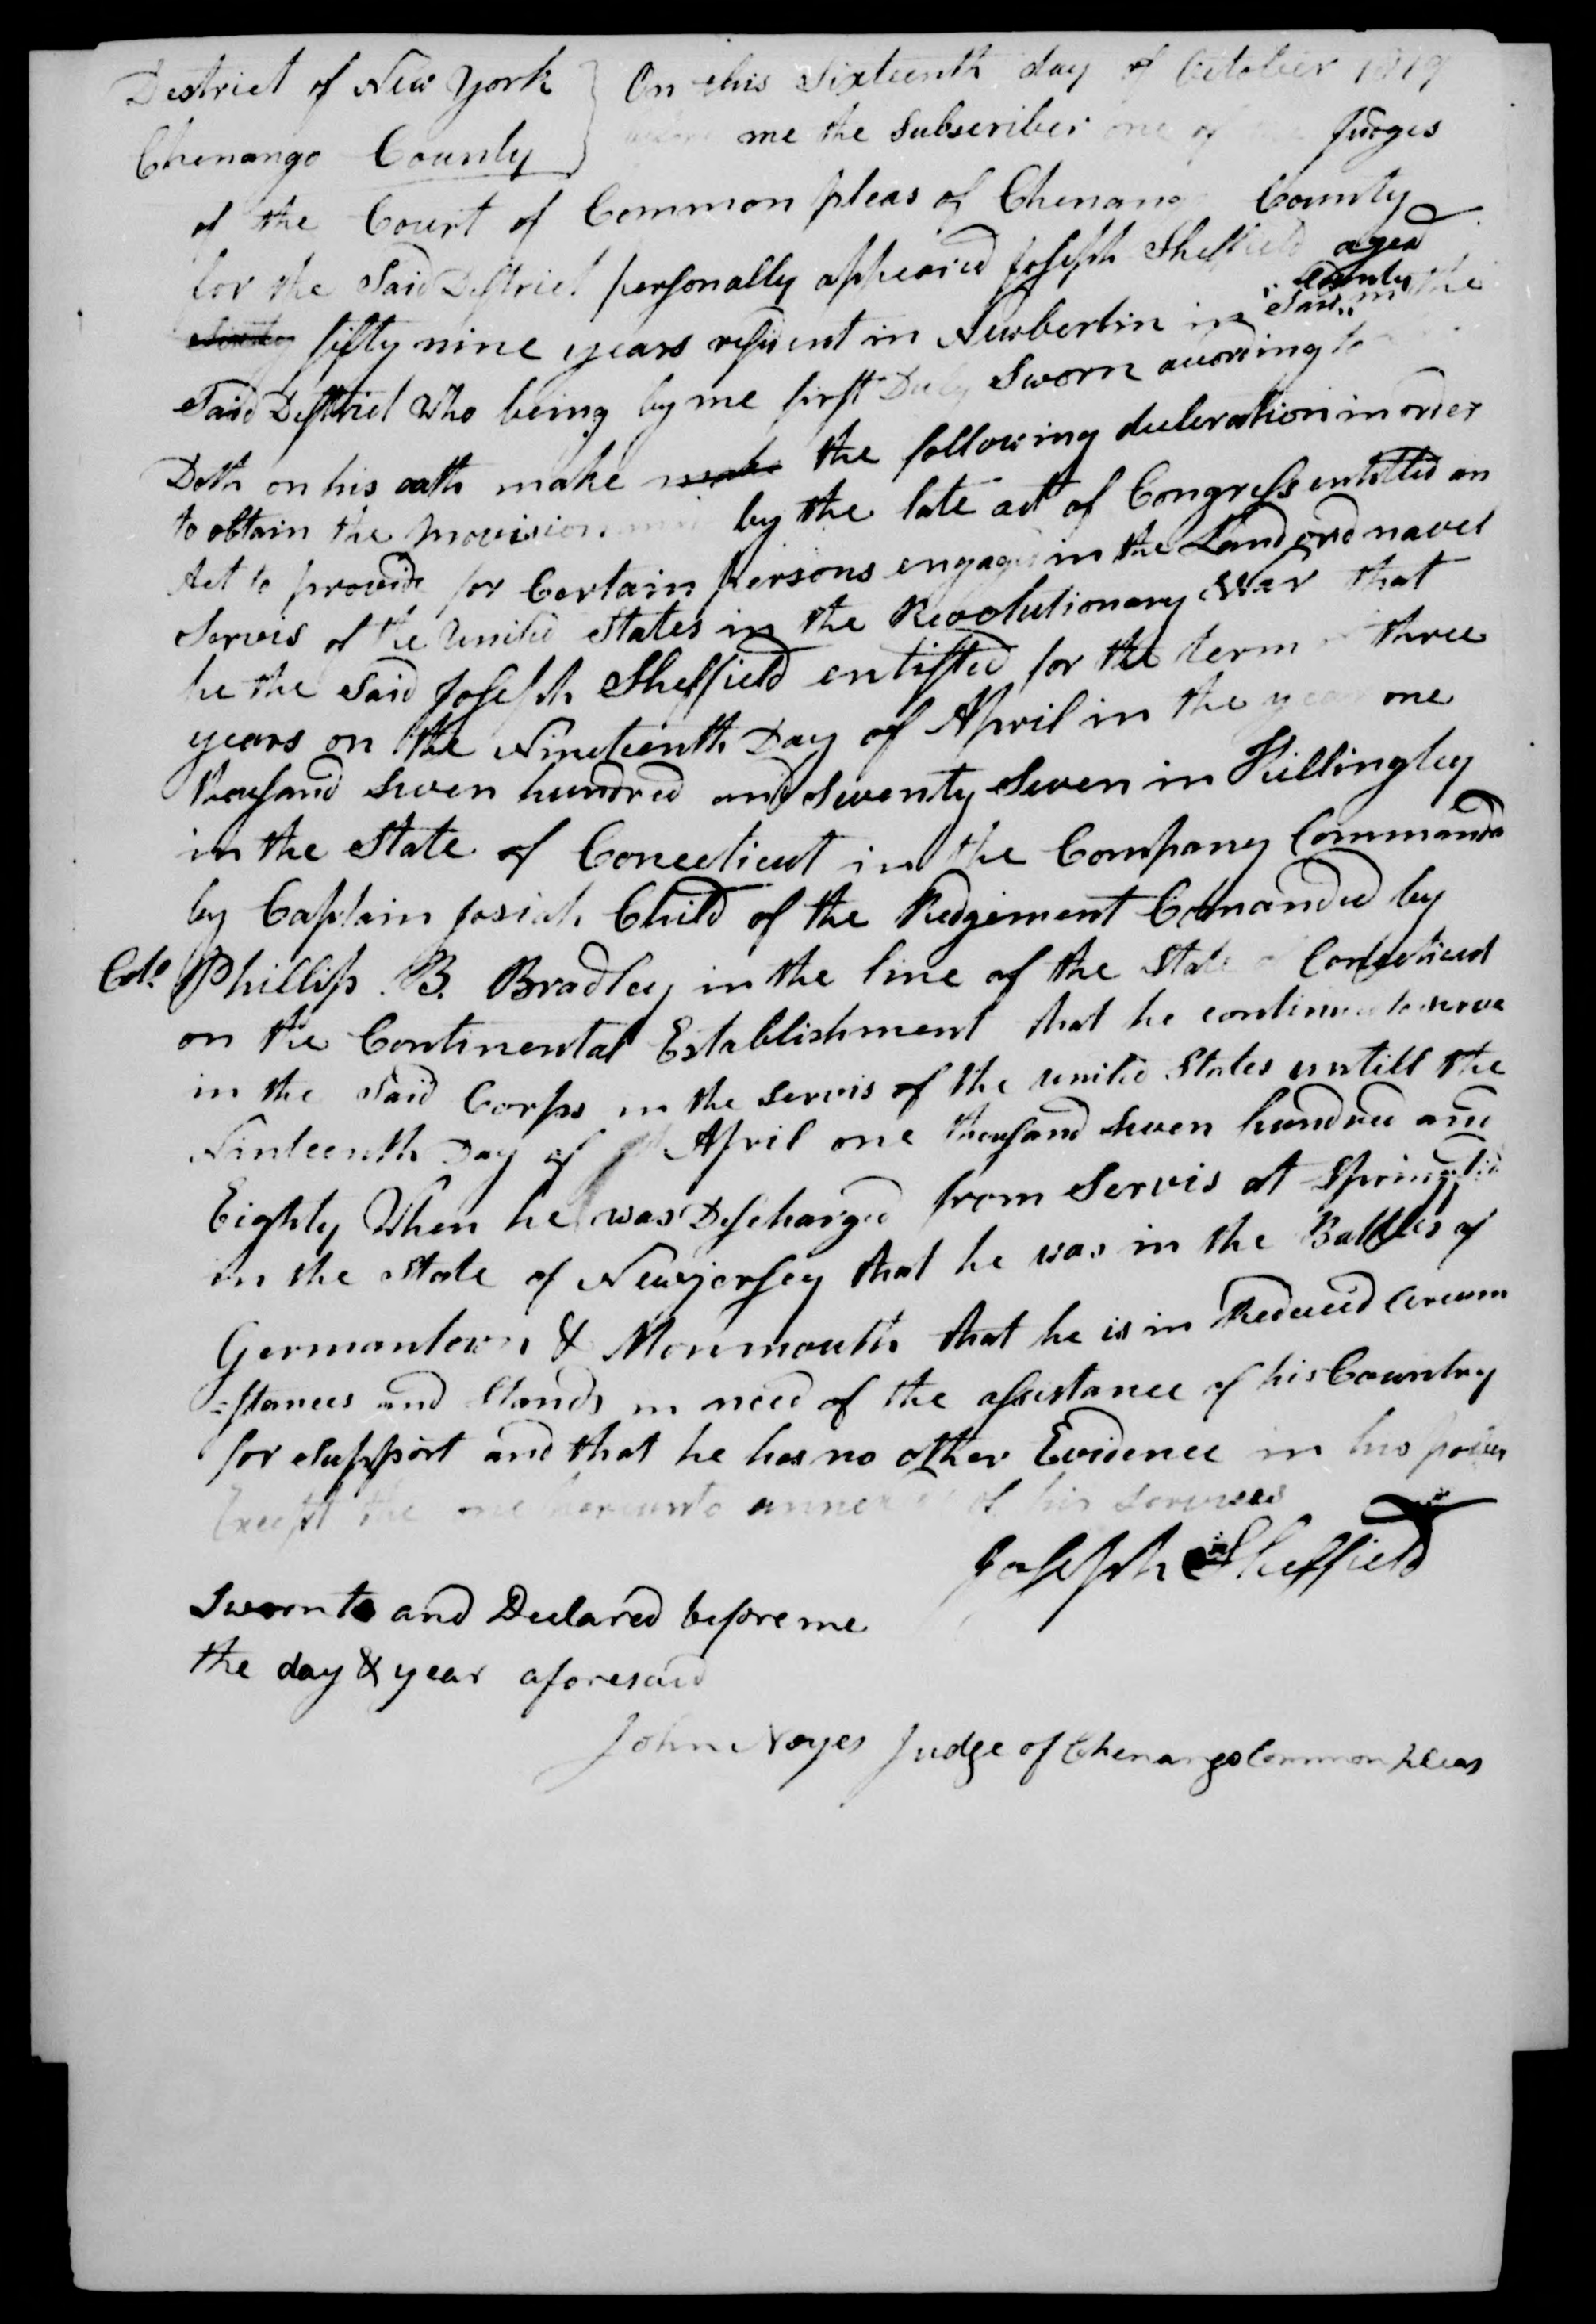District of New York 
Chenango County
On this sixteenth day of October 1819
before me the Subscriber one of Judges
of the Court of Common pleas of Chenango County
for the said District personally appeared Joseph Sheffield aged 
fifty nine years resident in New berlin in [illegible]
said district who being by me first duly sworn according to law
doth on his oath make make the following declaration in order
to obtain the provision by the late act of Congress entitled an
Act to provide for certain persons engaged in the Land and navel
Service of the United States in the Revolutionary War that
he the said Joseph Sheffield enlisted for the term three
years on the nineteenth day of April in the year one
thousand seven hundred and seventy seven in Killingley
in the State of Conecticut in the Company commanded
by Captain Josiah Child of the Regiment commanded by
Phillip B. Bradley in the line of the State Connecticut
on the Continental Establishment that he continue to
serve in the said Corps in the service of the United States untill the
Sixteenth day of April one thousand seven hundred and
Eighty when he was Discharged from Service at Springfield 
In the State of New jersey that he was in the Battles of
Germantown & Monmouth that he is in Reduced Circumstances 
and stands in need of the assistance of his Country
for support and that he has no other evidence in his power
Except the one hereunto annexed of his services
Joseph Sheffield [signature] 
Sworn to and declared before me
the day & year aforesaid
John Noyes Judge of Chenango Common Pleas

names: Joseph Sheffield; Josiah Child; Joseph Sheffield; Phillip B Bradley; Joseph Sheffield; John Noyes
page: 6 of 25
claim: survivor's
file: S. 42,272, for Joseph Sheffield, Connecticut